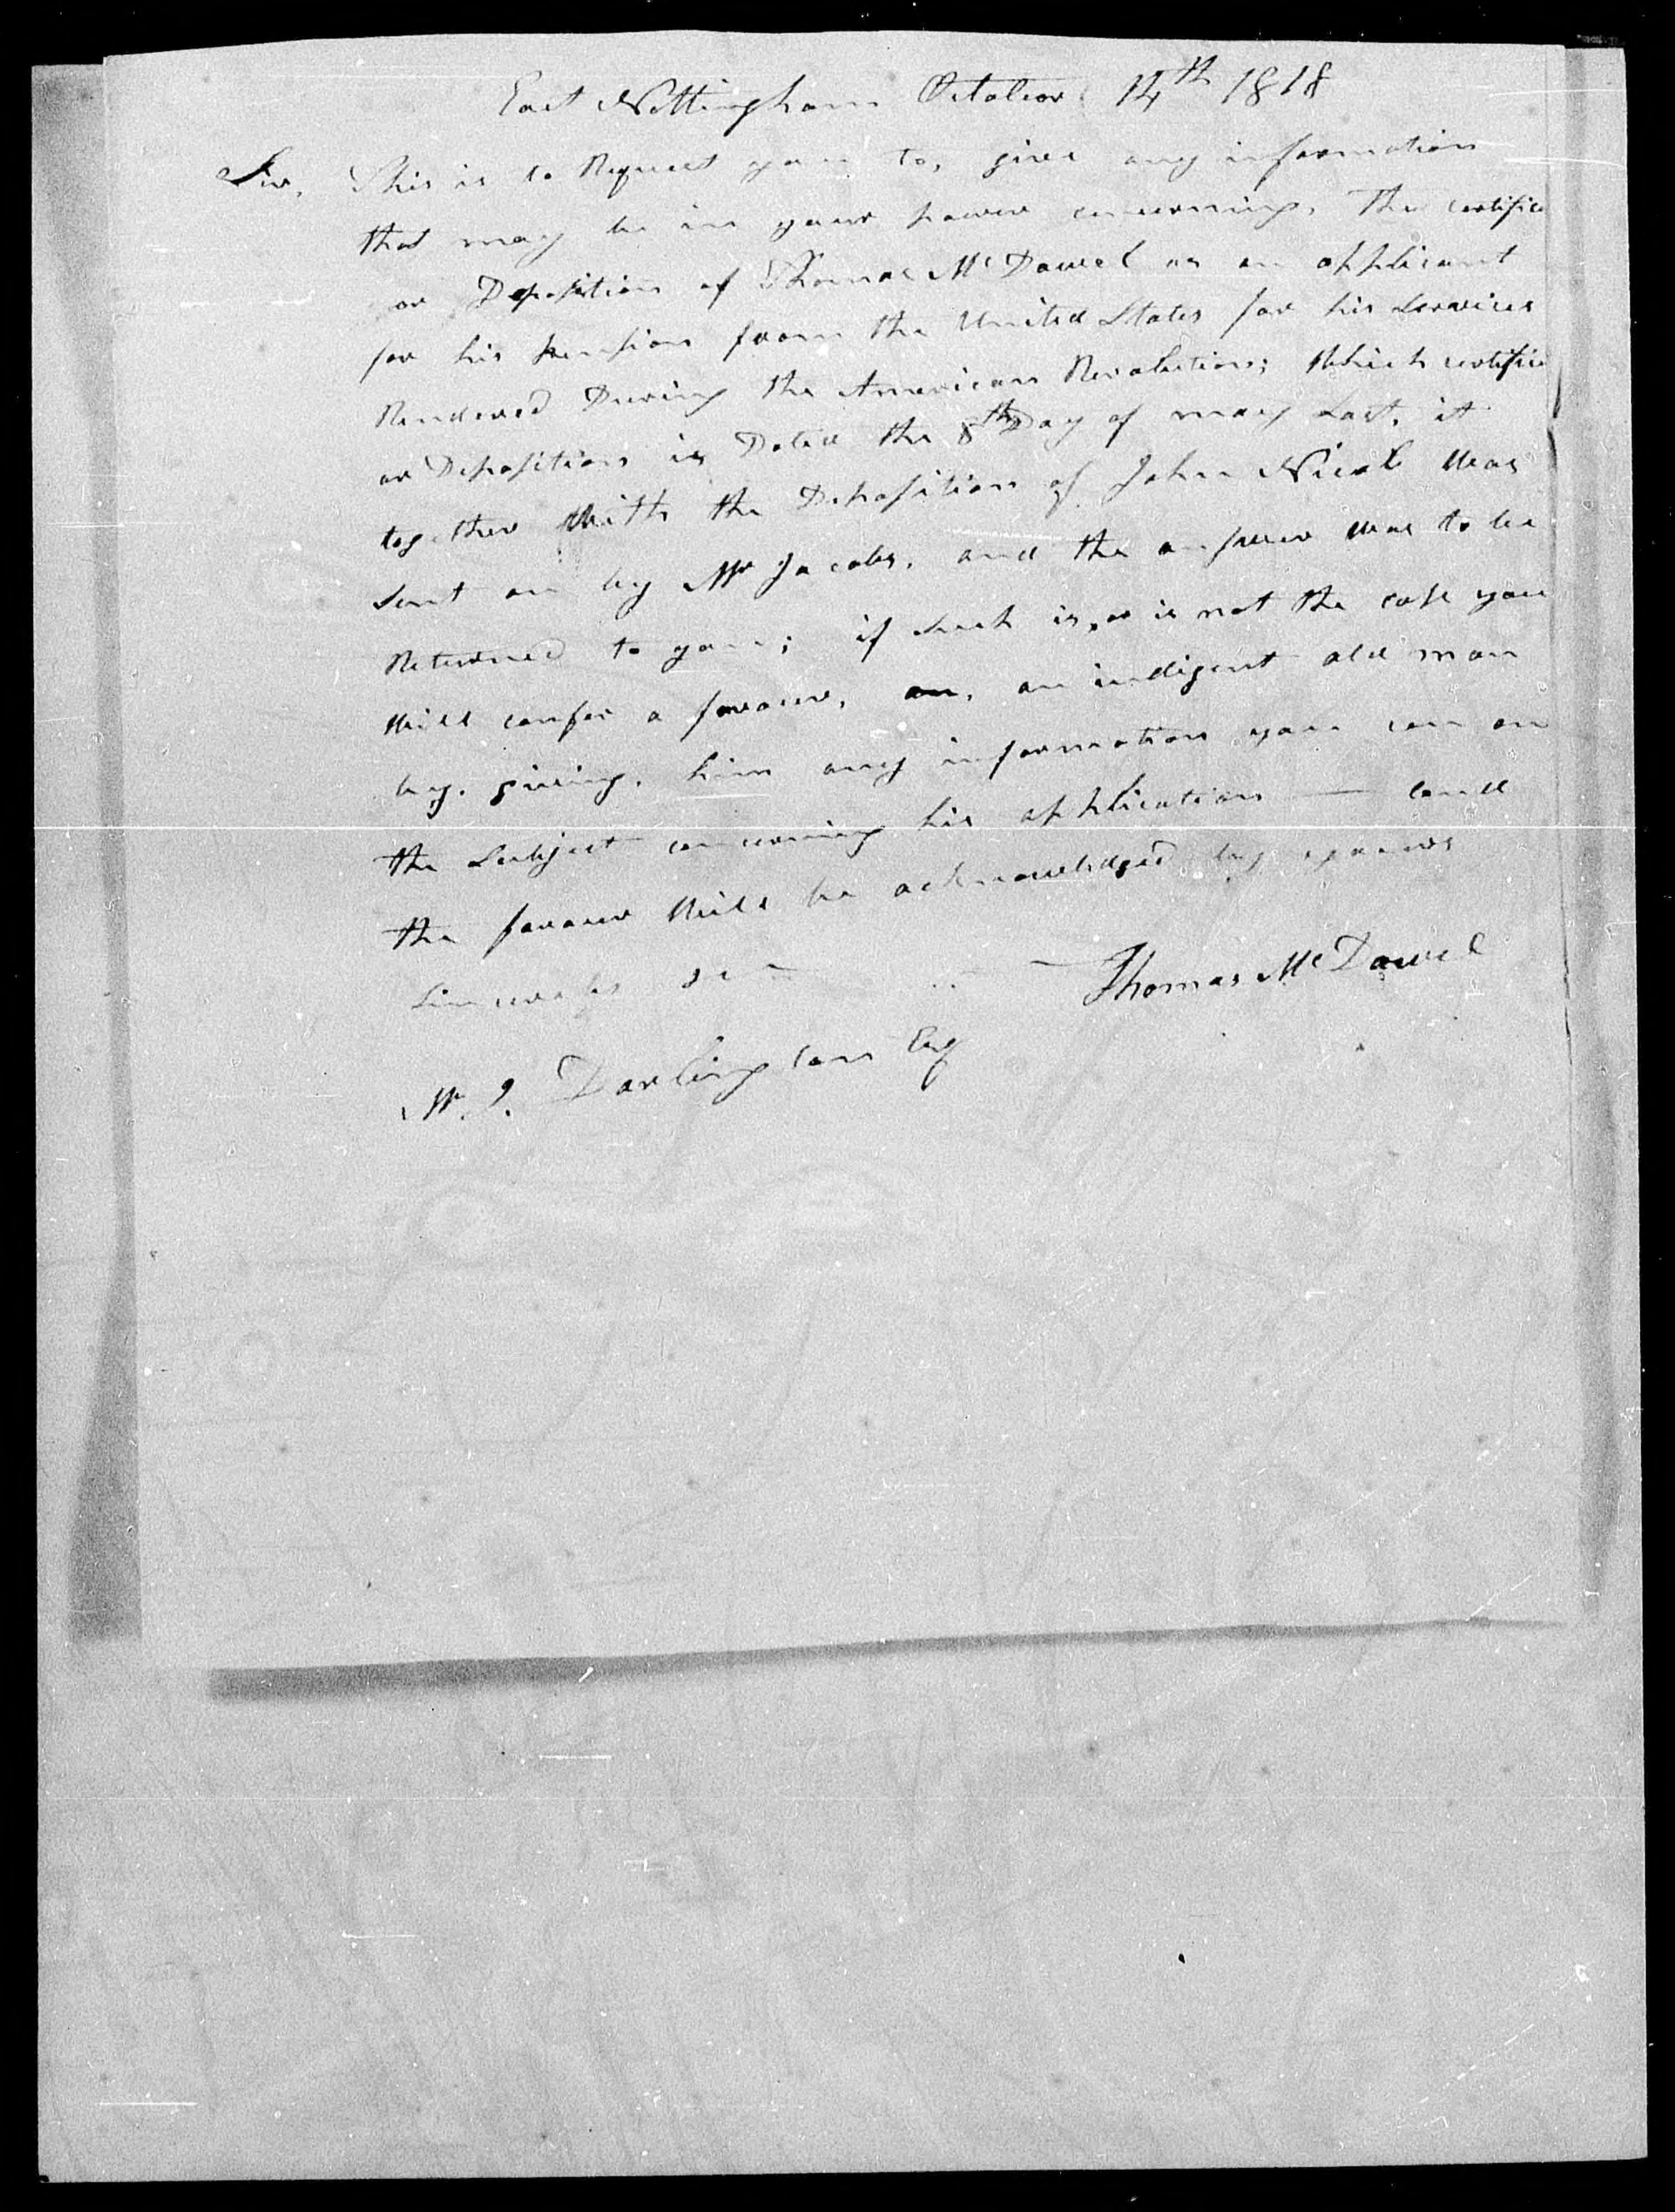East Nottingham October 14th 1818

Sir,
This is to Request you to give any information that may be in your [illegible] concerning the certific. of Depositions of Thomas McDowel as an appliant for his pension from the United States for his services [illegible] During the American Revolution; which certific. of Depositions is [illegible] the 8th Day of May Last, it together with the Depositions of John [illegible] was sent on by Mr. Jacobs, and the [illegible] was to be returned to you; if such [illegible] is not the case you will confer a [illegible] on an indigent old man by giving him any information you can on the subject will be acknowledged by [illegible]

--Thomas McDowel
[illegible] Darlington Esq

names: [BLANK] Jacobs; W J Darlington; John Nicol; Thomas Mc Dowell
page: 30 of 63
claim: widow's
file: W 2957, for Thomas Mc Dowell, Maryland